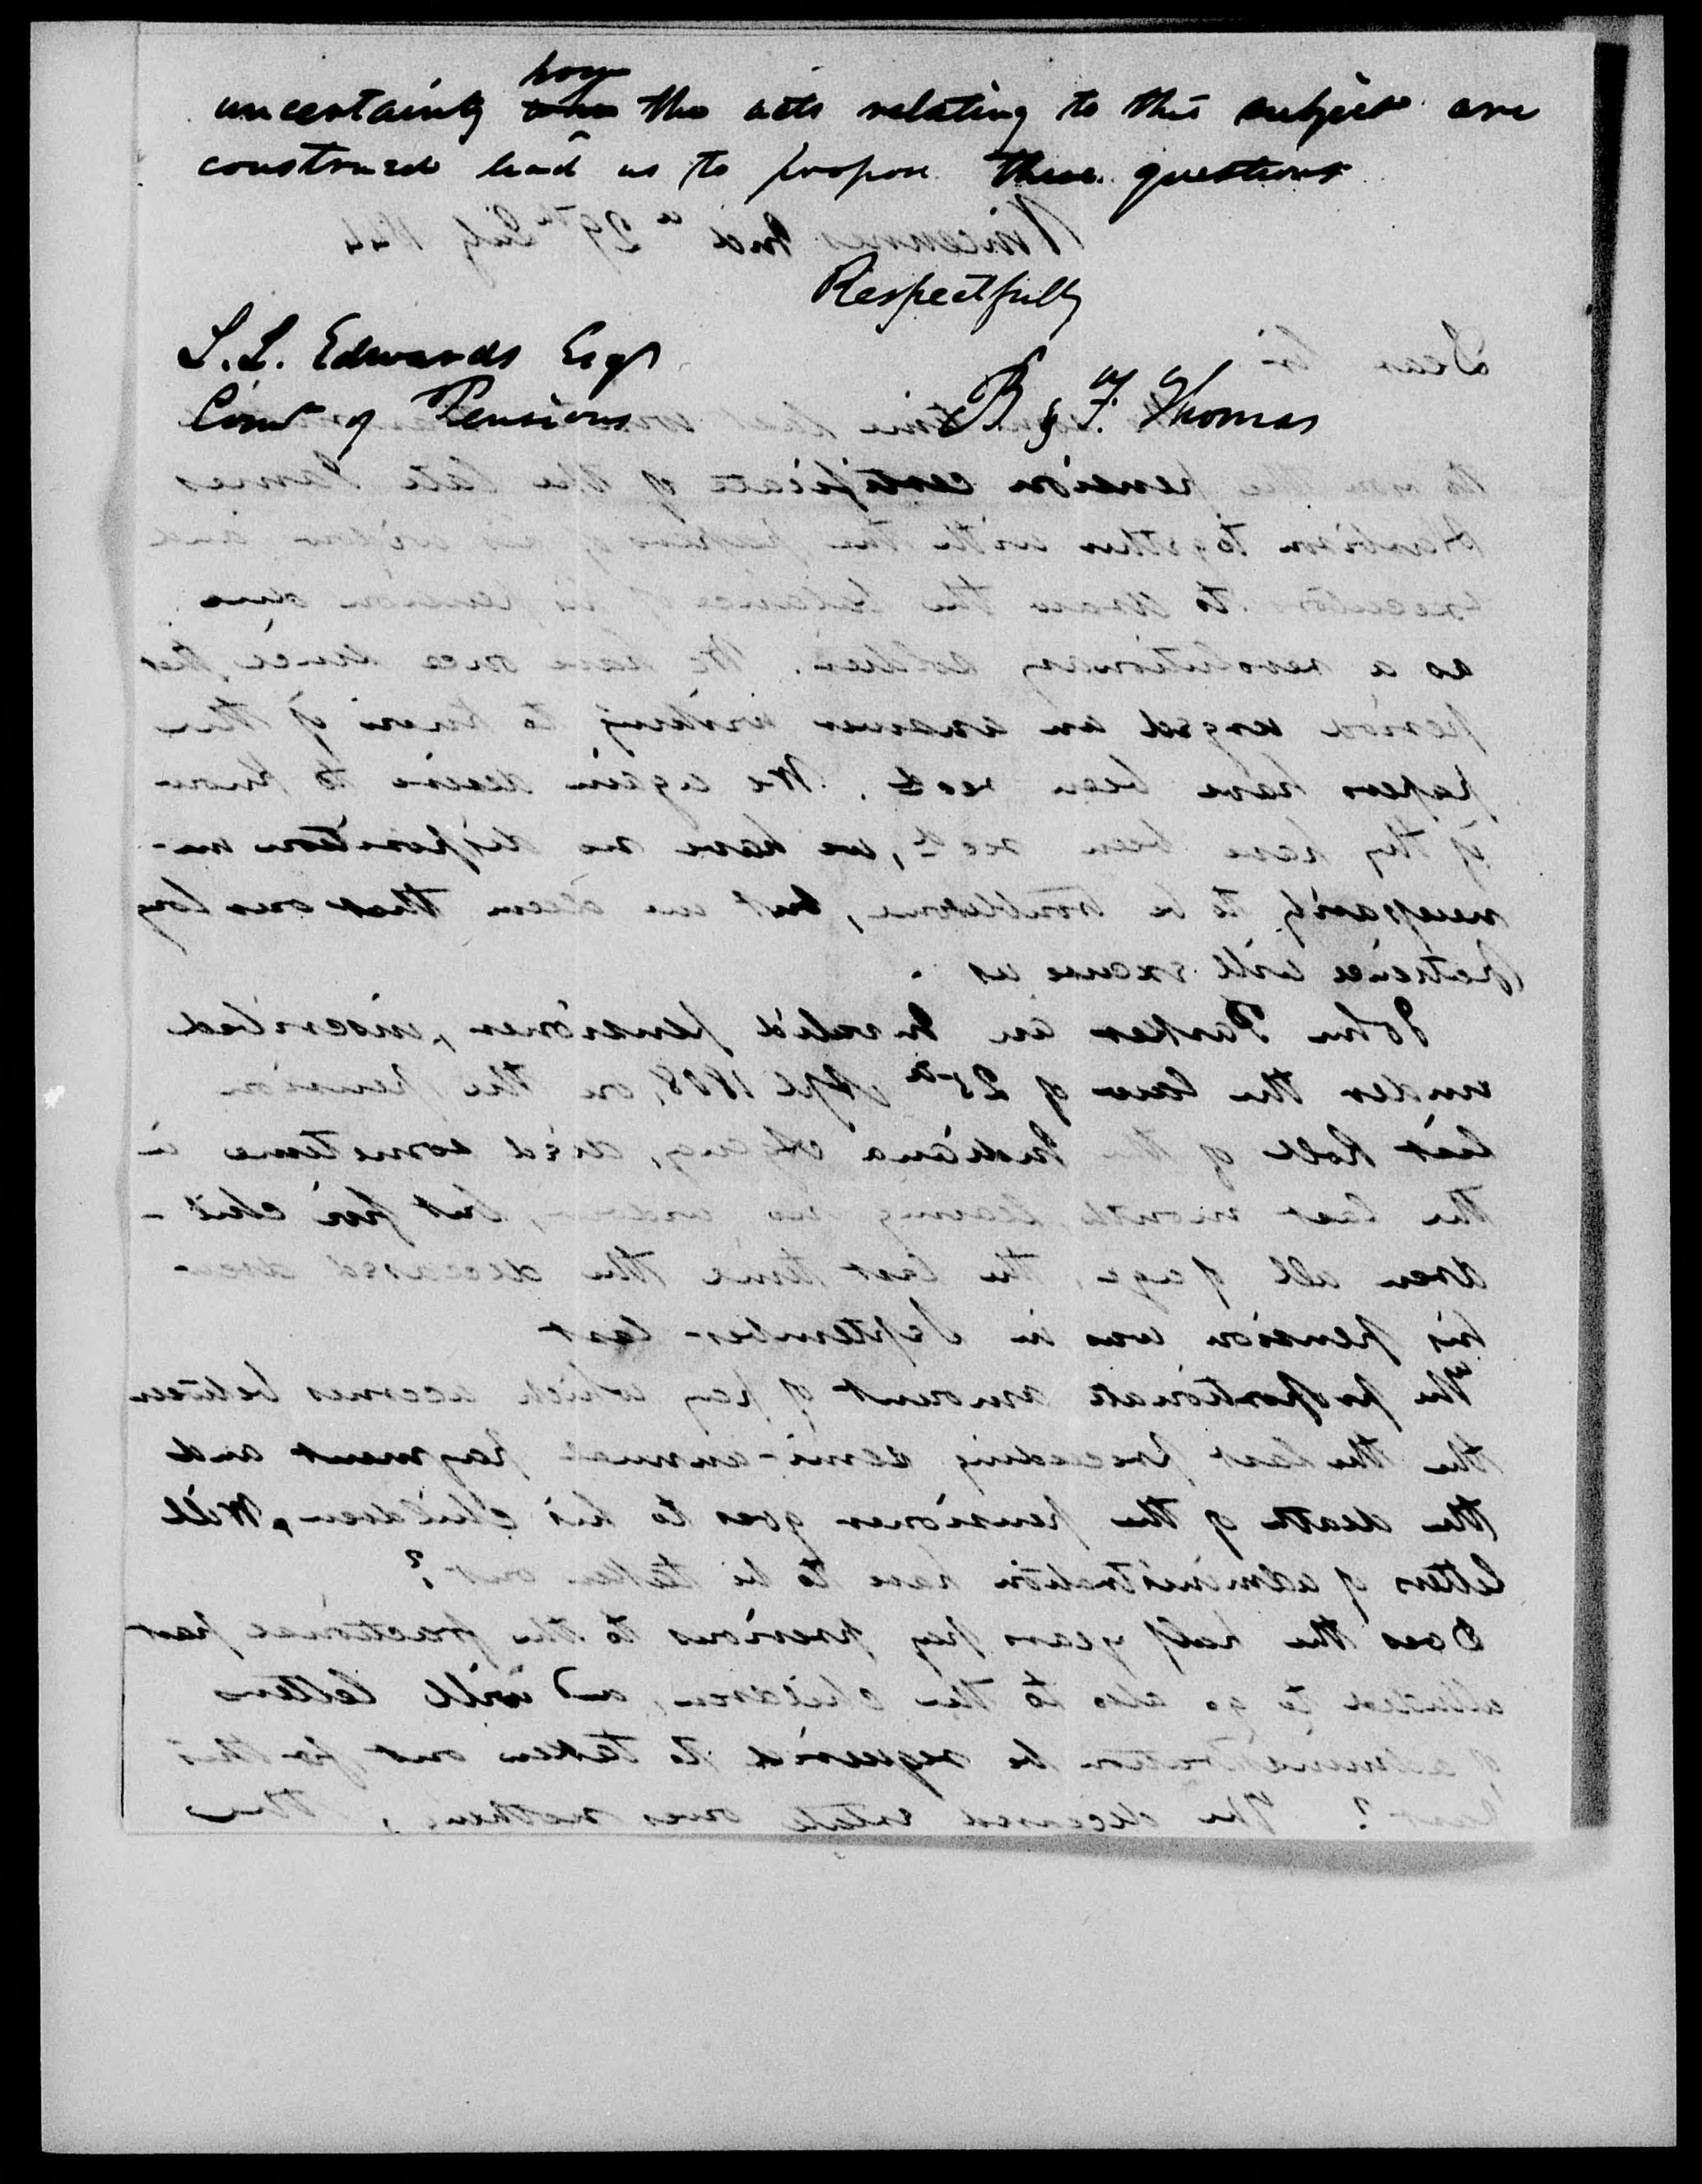uncertaining by the sets relating to the subjects are constructed had us to propone these questions.

Respectfuly

J.L. Edwards Esq
Com. of Pensions
B.F. Thomas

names: B Thomas; J L Edwards; F Thomas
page: 12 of 21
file: Old War Inv. File 26332, for John Parker, Other